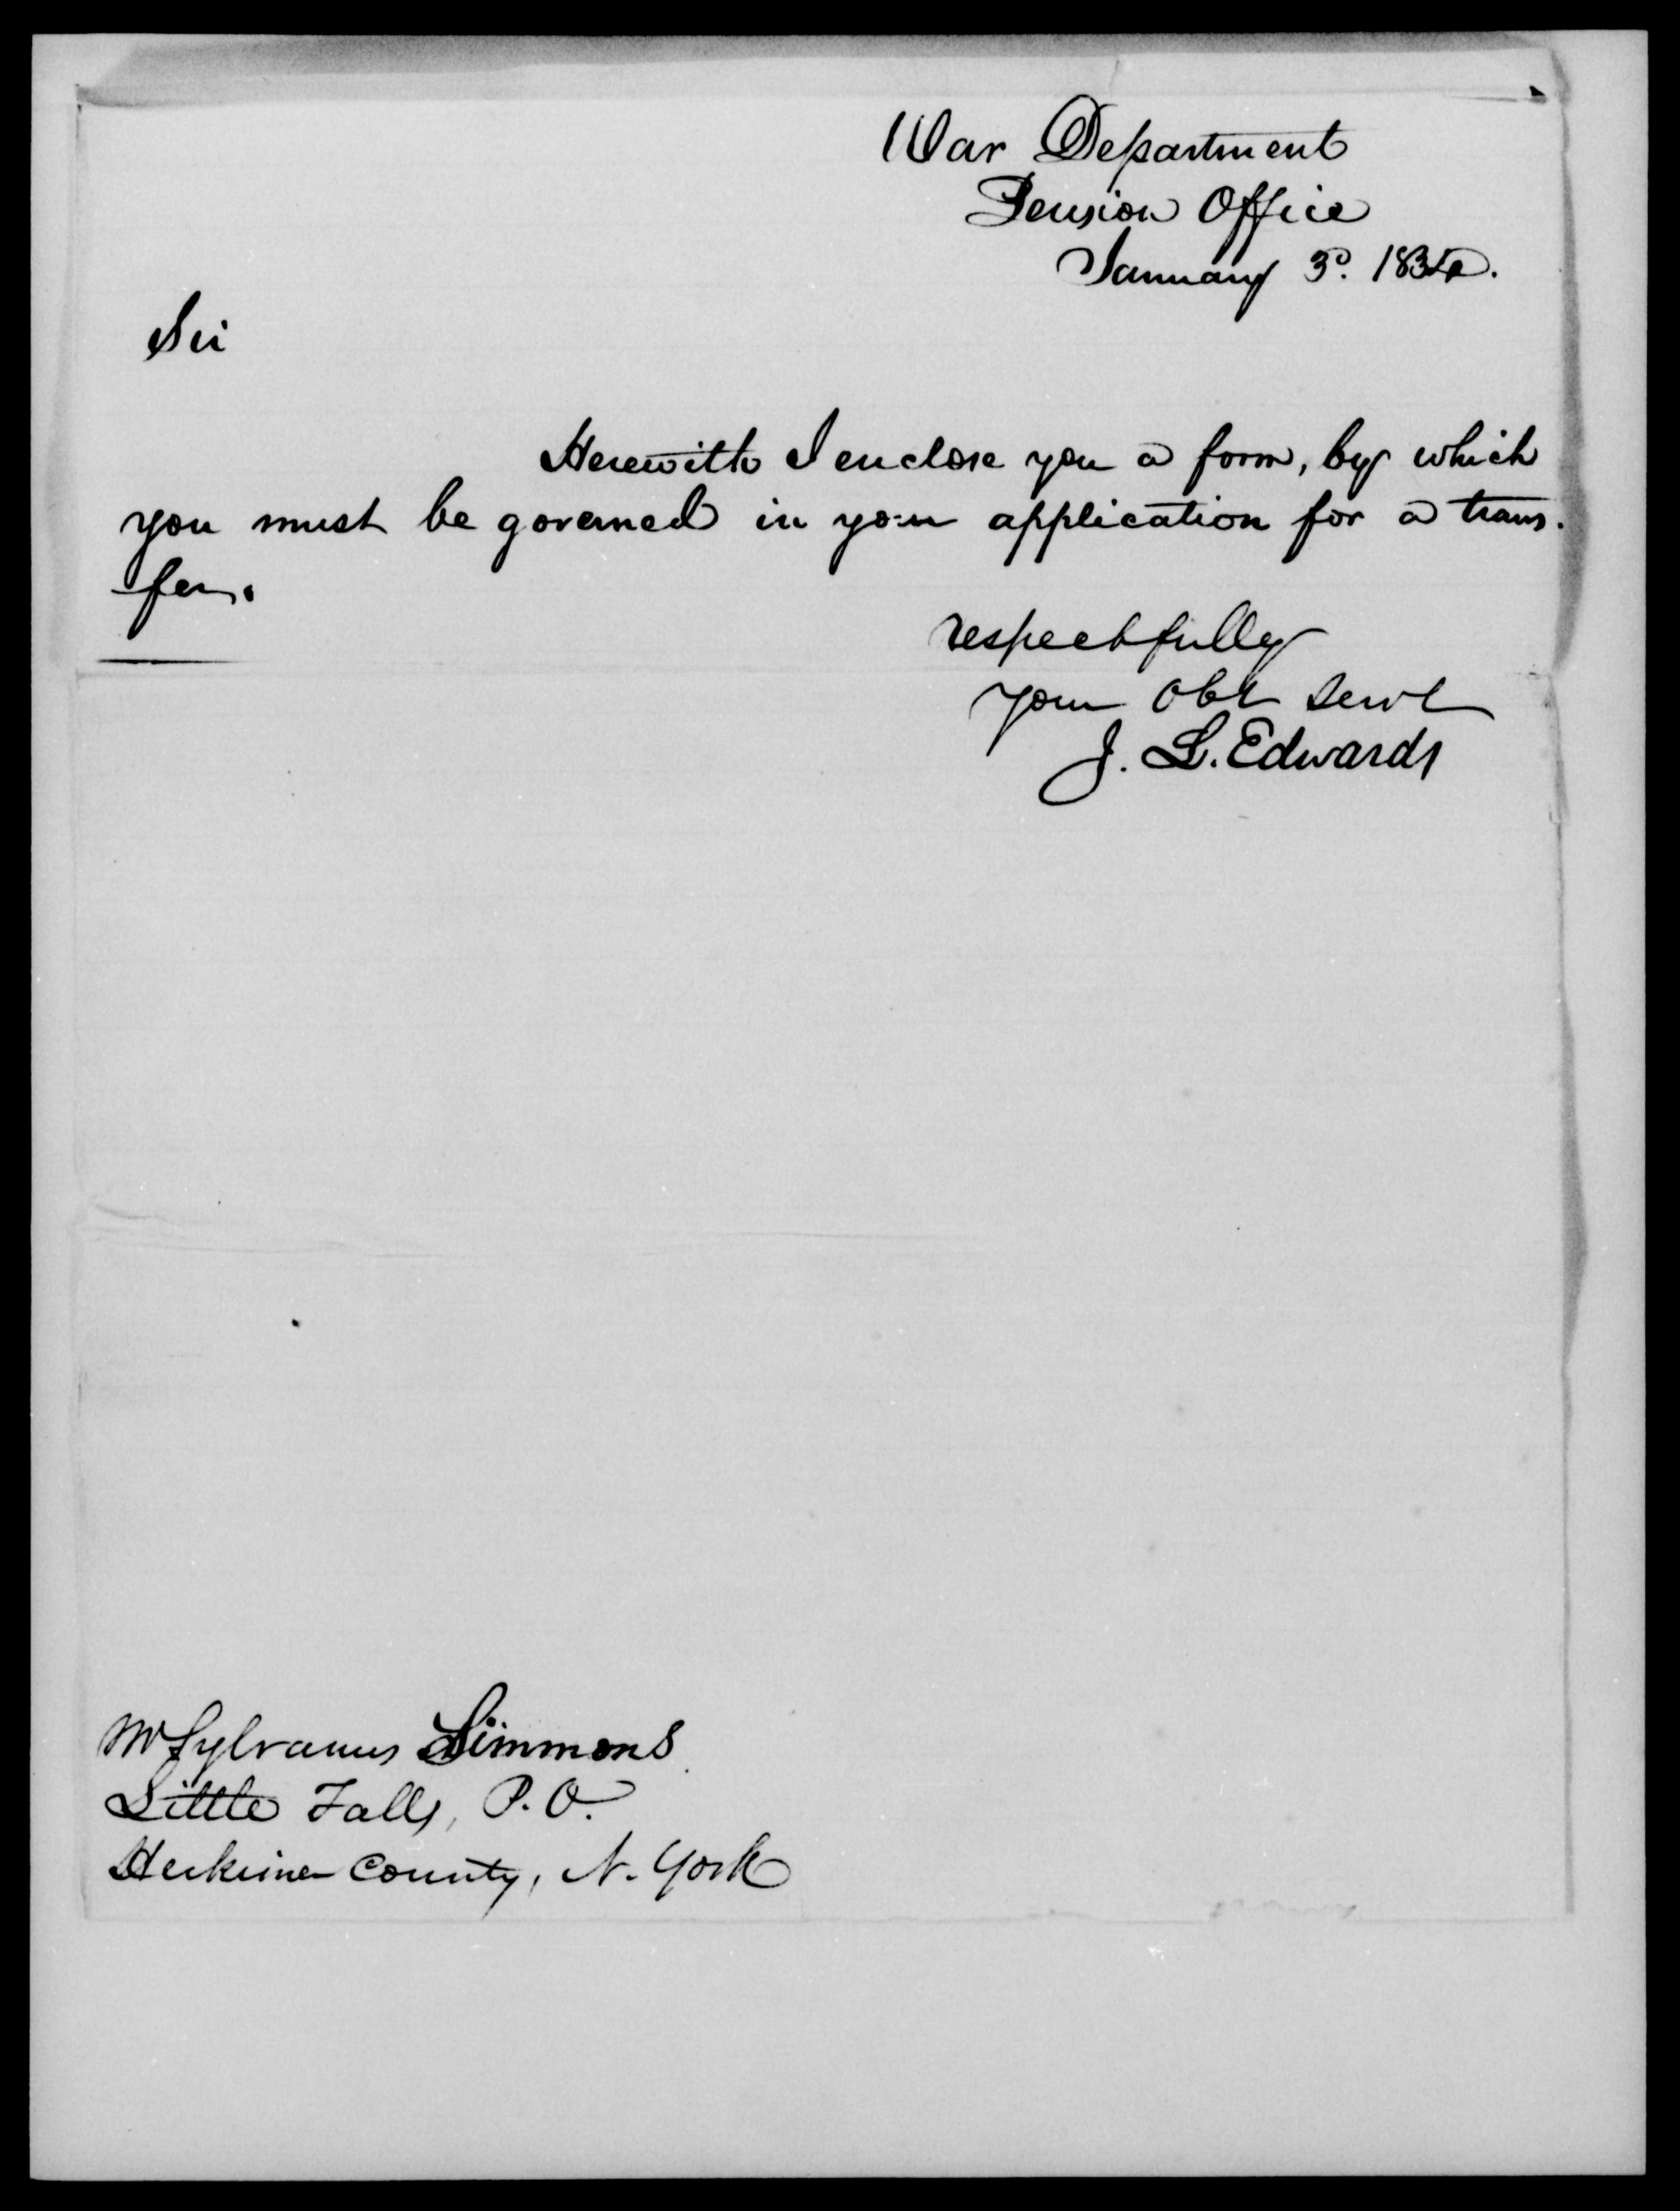War Department
Pension Office
January 3d. 1834
Sir
Herewith I enclose you a form, by which
you must be governed in your application for a transfer.
respectfully
your obt servt
J.L. Edwards
Mr Sylvanus Simmons
Little Falls, P.O.
Herkimer County, N. York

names: J L Edwards; Sylvanus Simmons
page: 21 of 31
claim: survivor's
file: S. 14484, for Sylvanus Simmons, New York